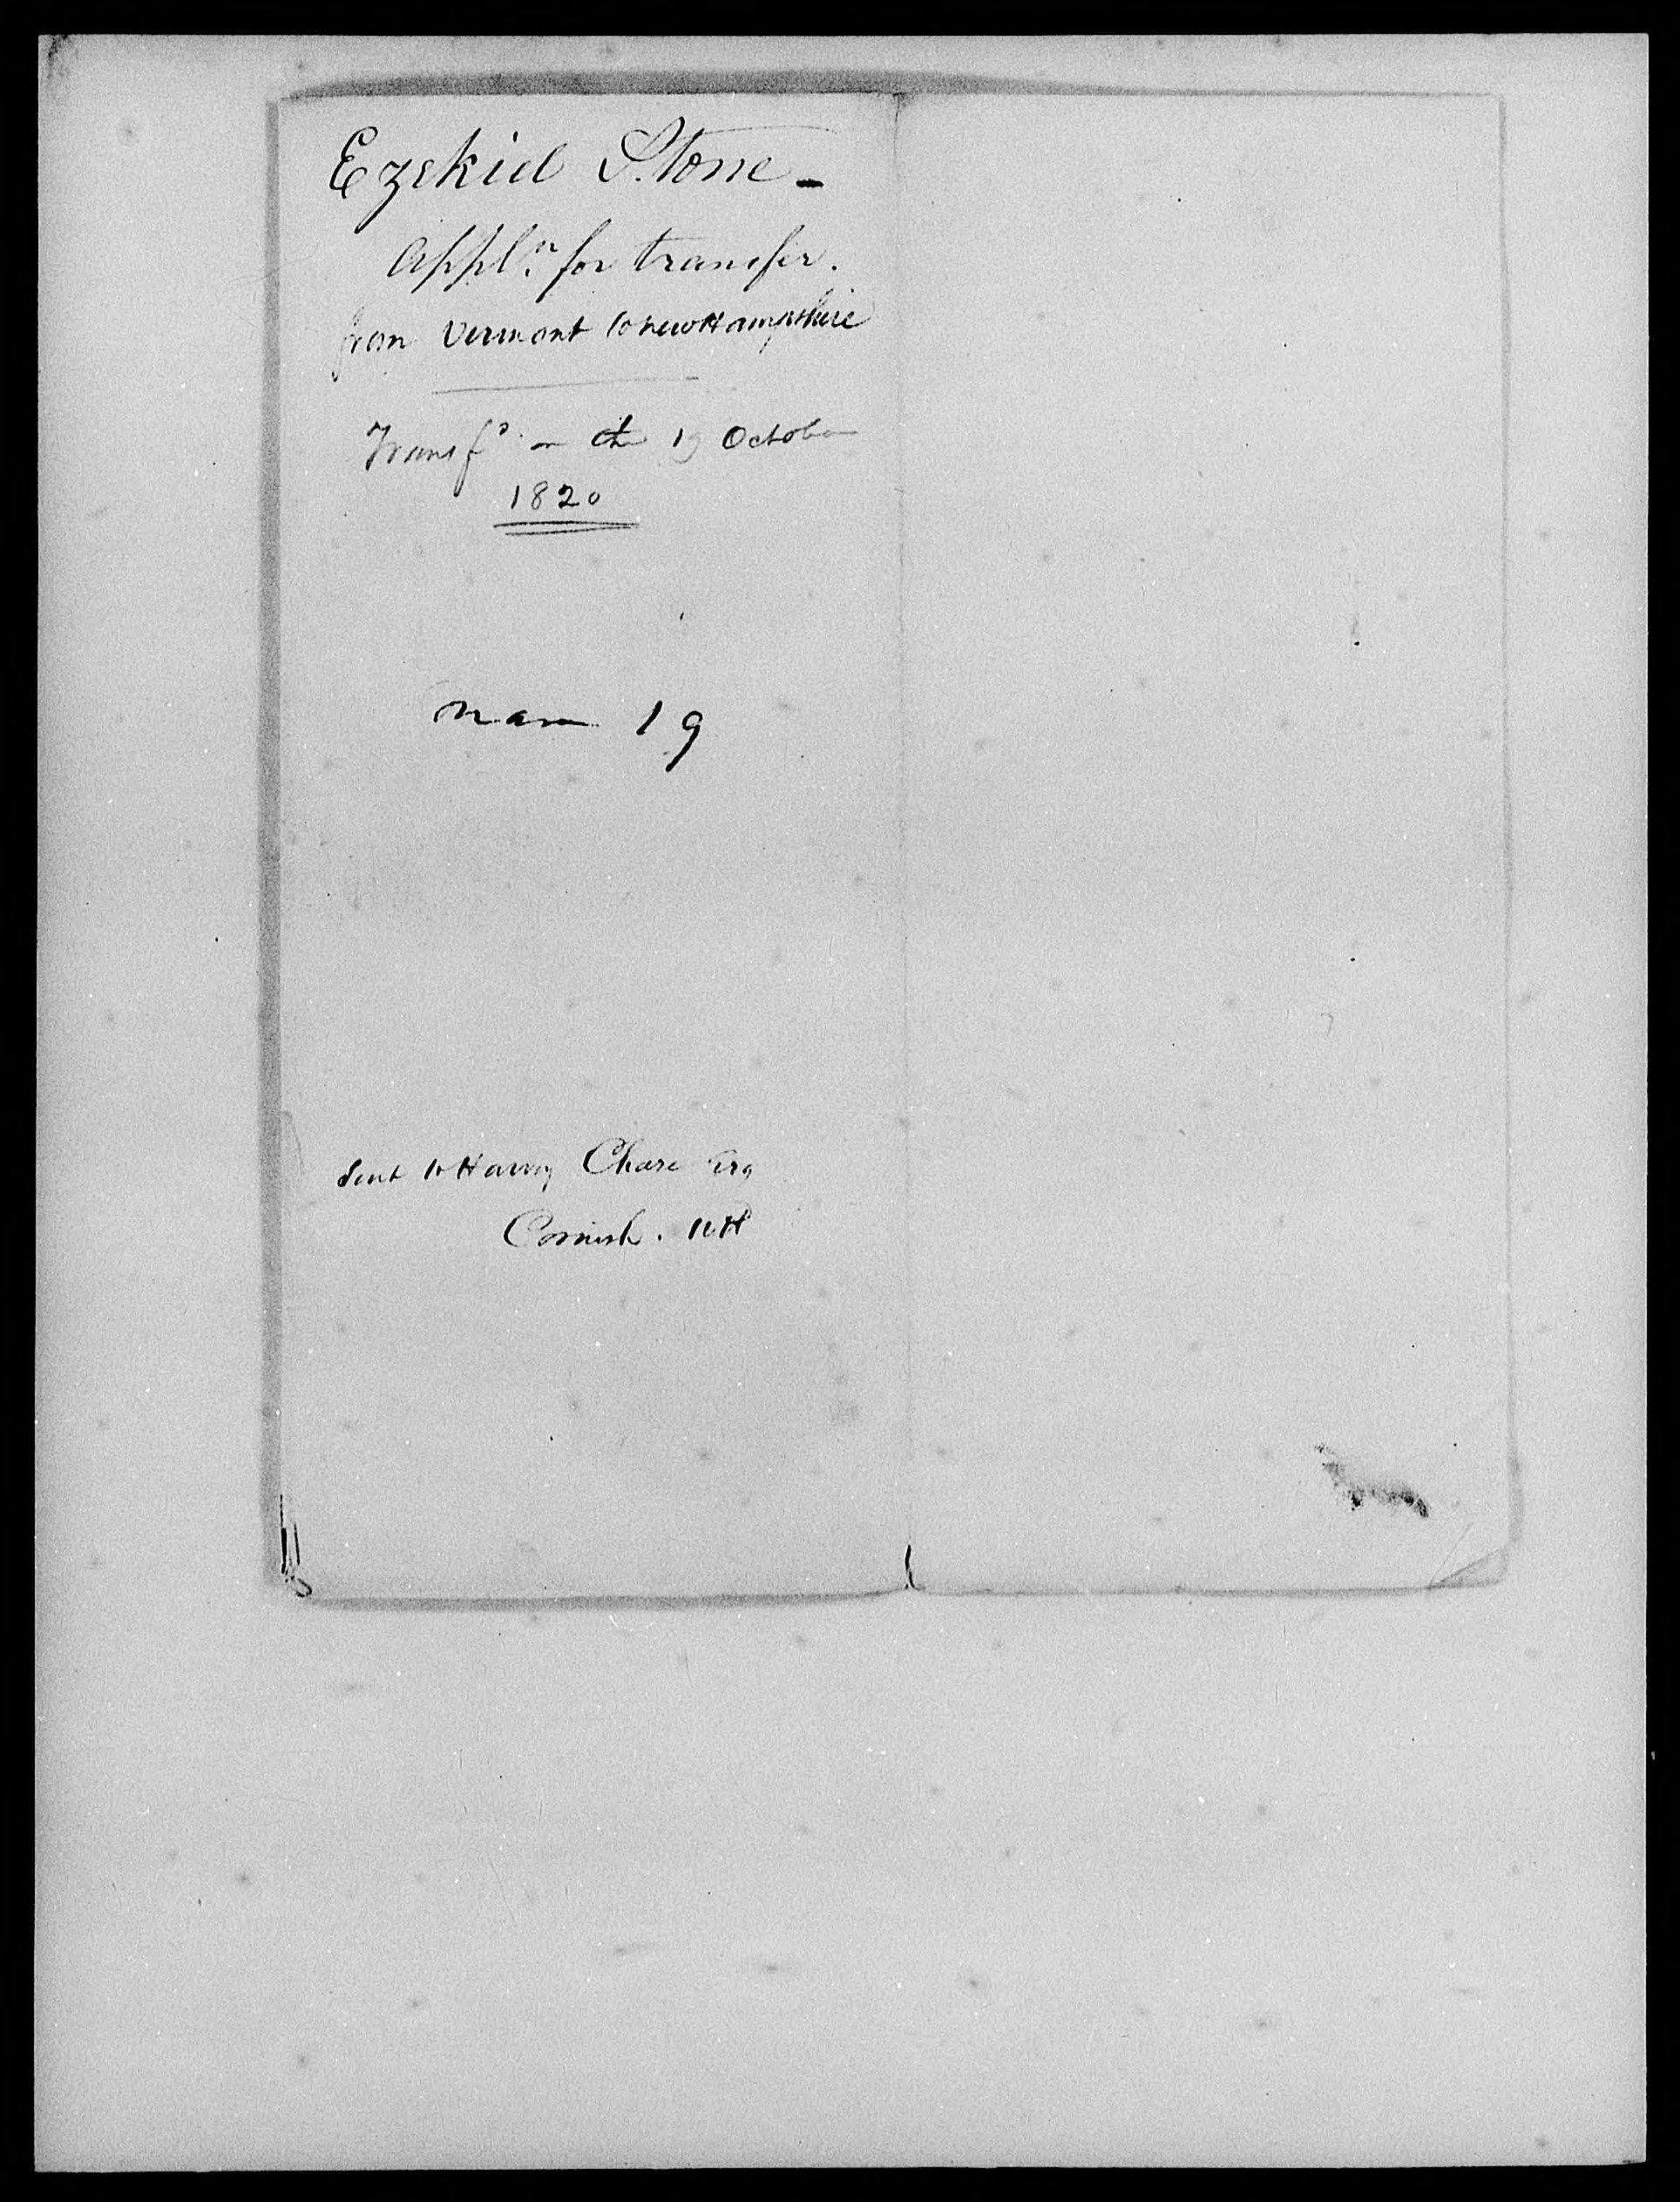Ezekiel Stone--

Appl'n for transfer
from Vermont to New Hampshire
_____________________
Transf'd on the 1st October
1820
=============

Mar 19

Sent to Harvey Chase Esq

Cornish, NH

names: Harvey Chase; Ezekiel Stone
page: 11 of 38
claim: survivor's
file: S. 43181, for Ezekiel Stone, New Hampshire